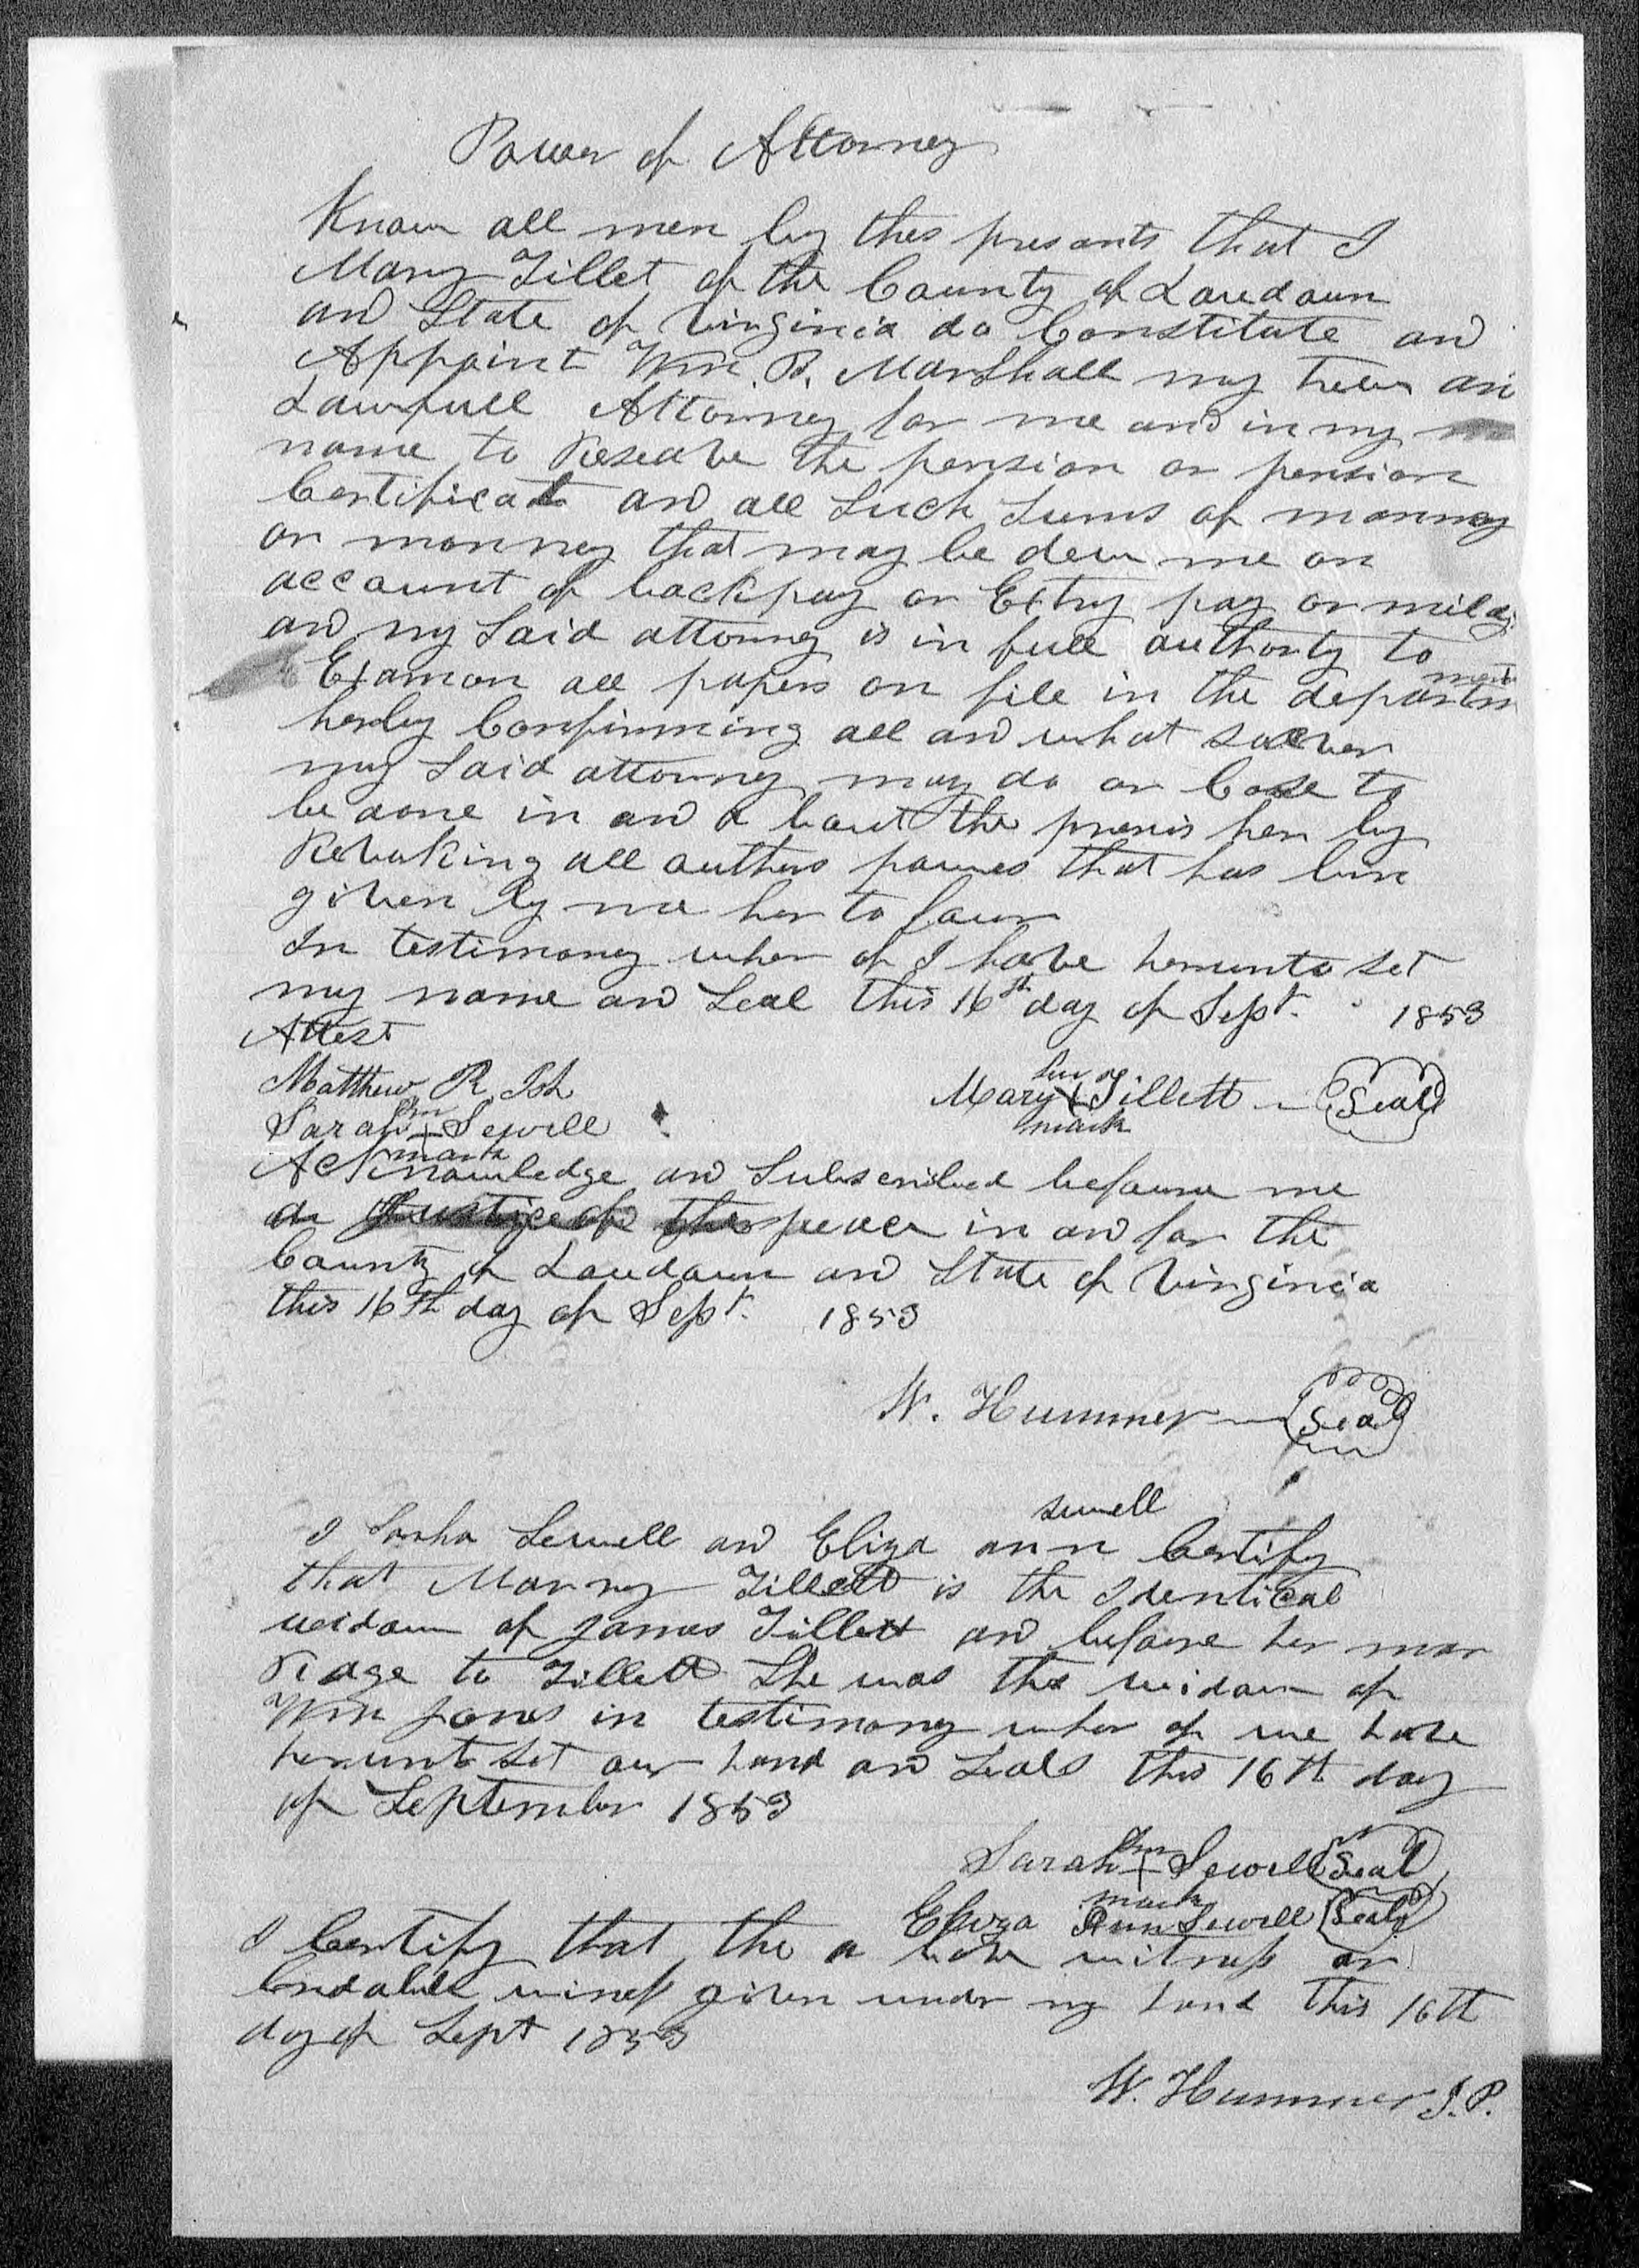Power of Attorney
Know all men by this presants that I Mary Tillet of the County of Loudoun and the State of Virginia do constitute and Appoint Wm. B. Marshall my true and Lawful Attorney for me and in my name to Release[?] the pension or pension Certificat and all such sums of monney or monney that may be due me on account of backpay or Extry pay or mila and said attorney is in full authority to Examon all papers on file in the department holding confirming all and what soever my said attorney may do or could to be done in and about the [illegible] her by Retaking all authors powers that has bin given by me her to law.
In testimony wher of I have hereunto set my name and seal this 16th day of Sept. 1853
Attest
Matthew R. Ish     Mary herXmark Tillett {seal}
Sarah herXmark Sewell
Acknowledge and subscribed before me a Justice of the Peace in and for the County if Loudoun and State of Virginia this 16th day of Sept. 1853
W. Hummer {seal}

I Sarah Sewell and Eliza Sewell [illegible] certify that Mary Tillett in the identical widow of James Tillett and before her marriage to Tillett she was the widow of Wm Jones in testimony wher of we doth hereunto set out hand and seals this 16th day of September 1853
Sarah herXmark Sewell {seal}
Eliza herXmark Sewell {seal}

I certify that the a bove witness are credable witness given under my hand this 16th day of Sept. 1853
W. Hummer J.P.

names: Mary Tillet; James Tillett; Wm B Marshall; Matthew R Ish; W Hummer; Sarah Sewell; Wm Jones; Eliza Ann Sewell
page: 13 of 39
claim: widow's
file: W 6292, for William Jones, Maryland